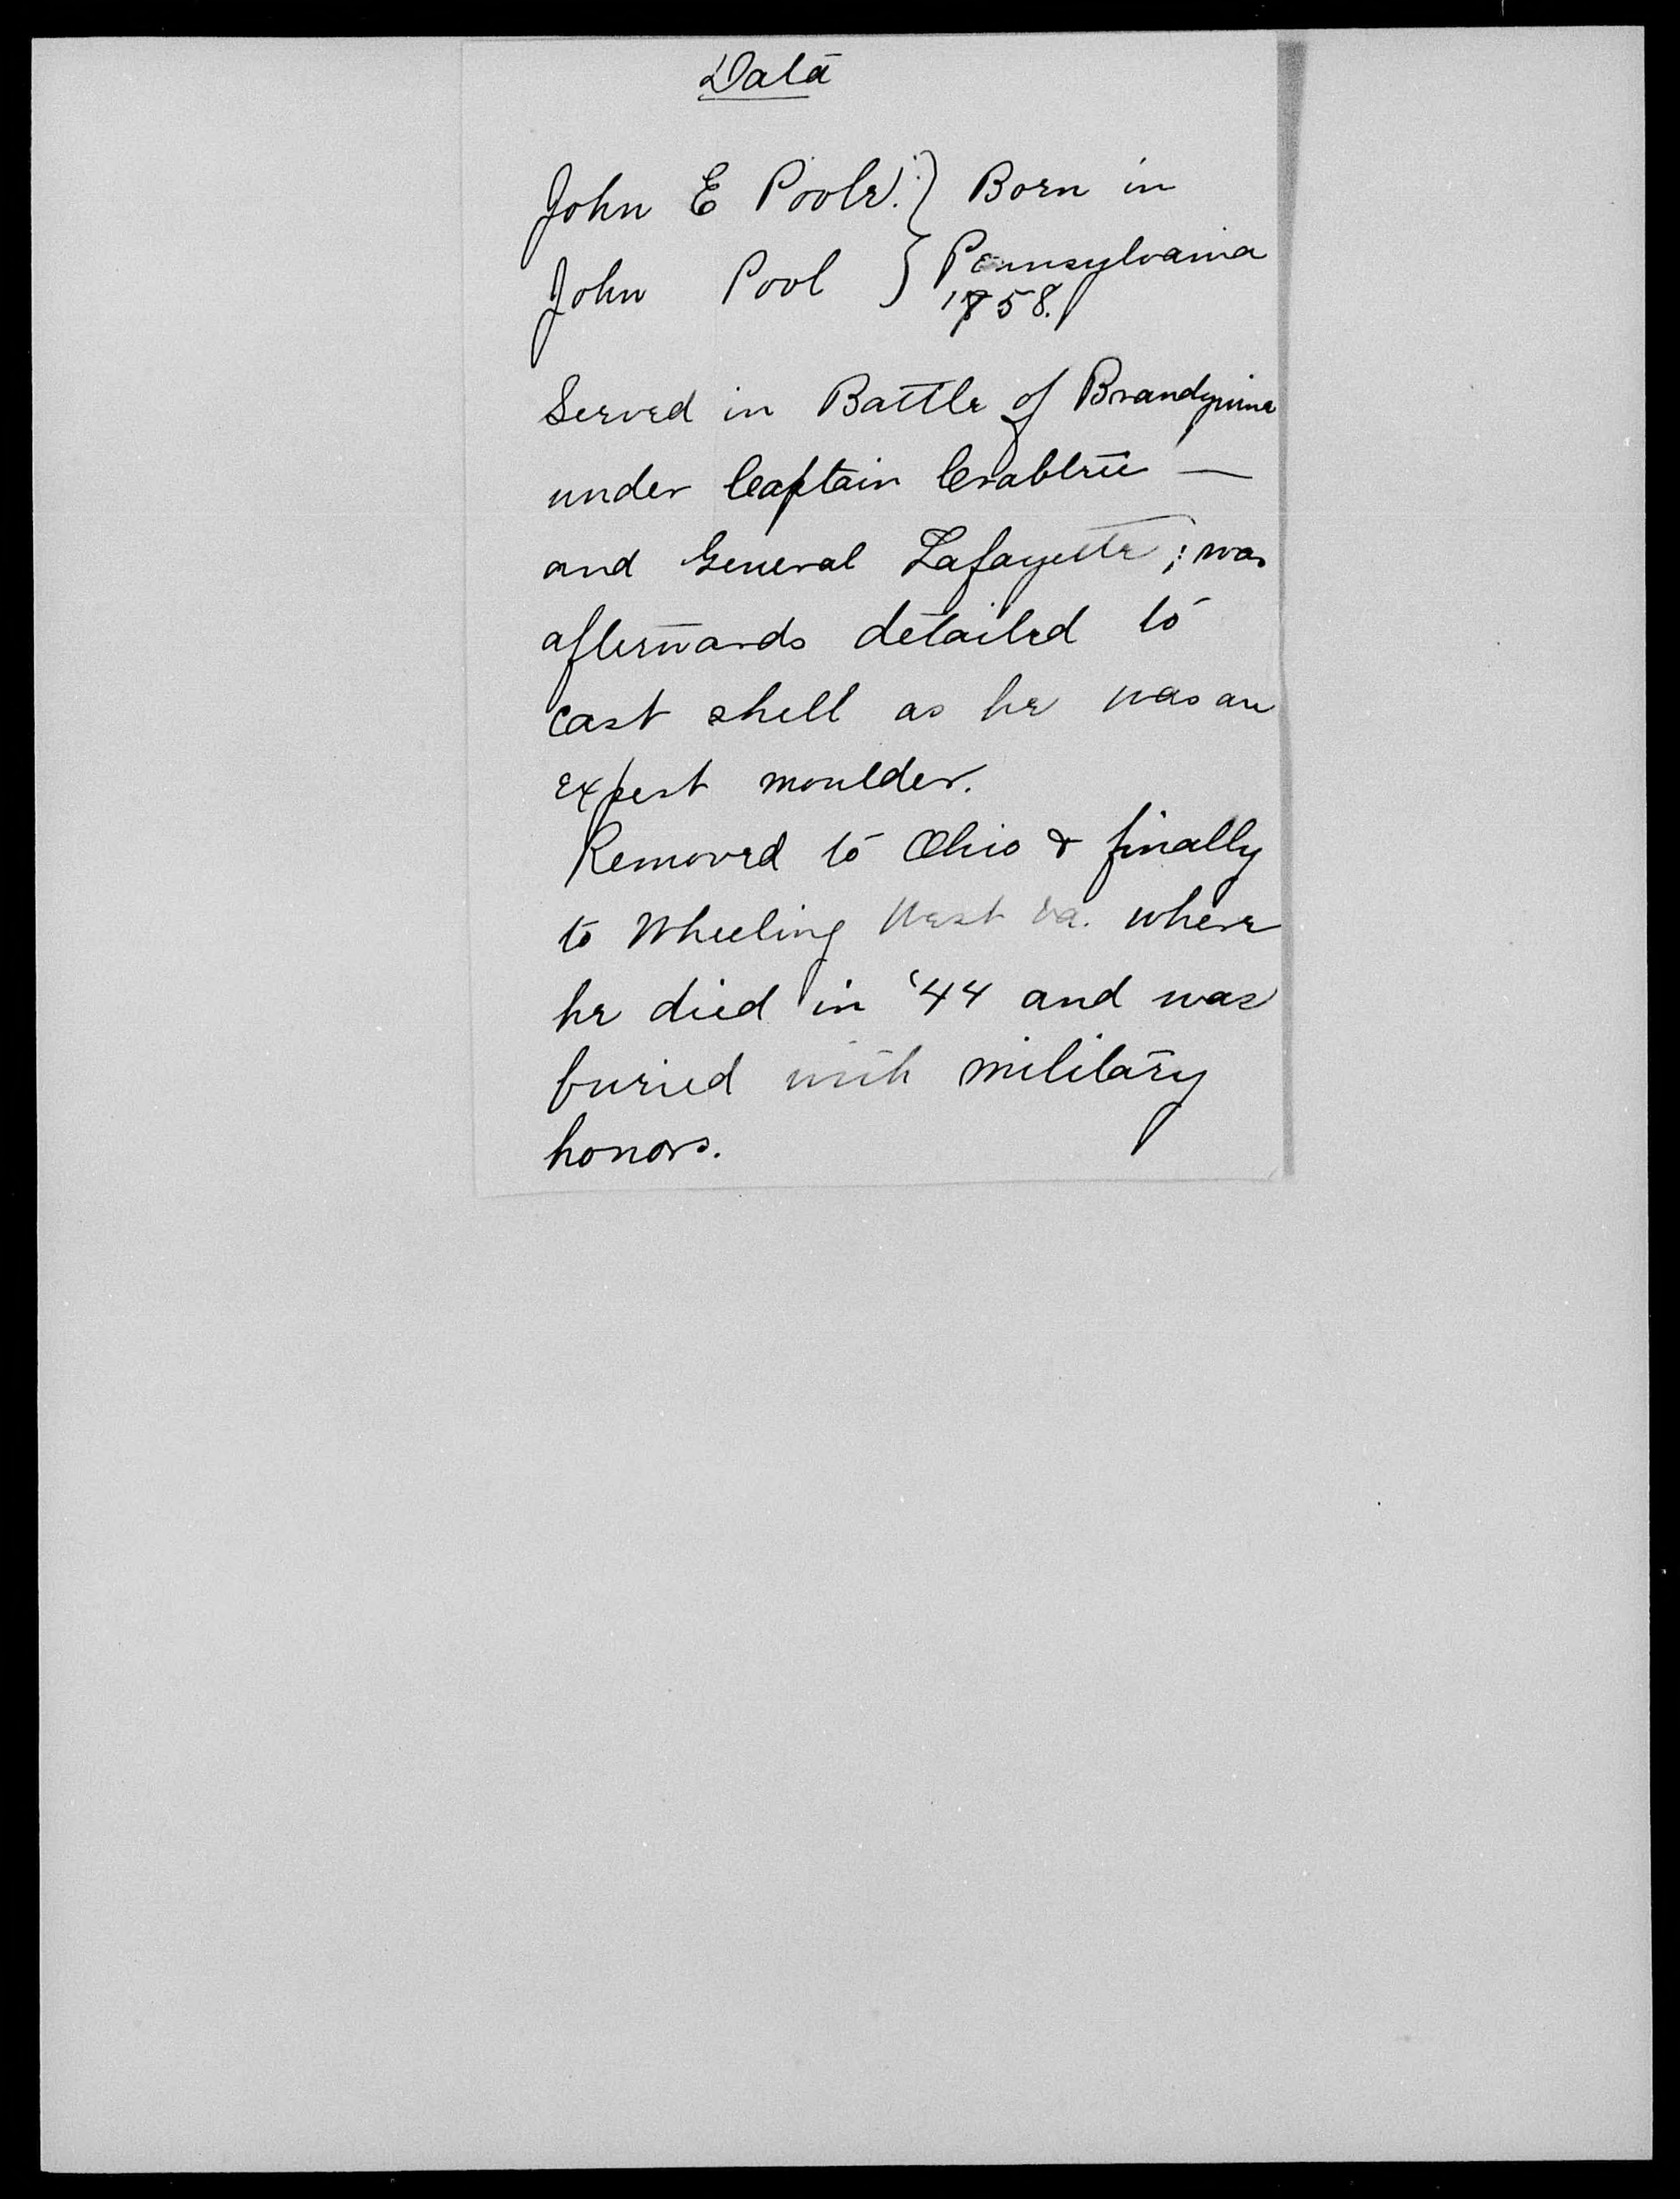Data
John E. Poole / John Pool } Born in Pennsylvania 1758

Served in Battle of Brandywine under Captain Crabtree and General Lafayette; was afterwards detailed to case shell as he was an expert molder.

Removed to Ohio & finally to Wheeling West Va. where he died in '44 and was buried with military honors.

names: [BLANK] Crabtree; John E Poole; John Pool; [BLANK] Lafayette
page: 11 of 22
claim: rejected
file: R. 8,319, for John Engle Pool, Pennsylvania